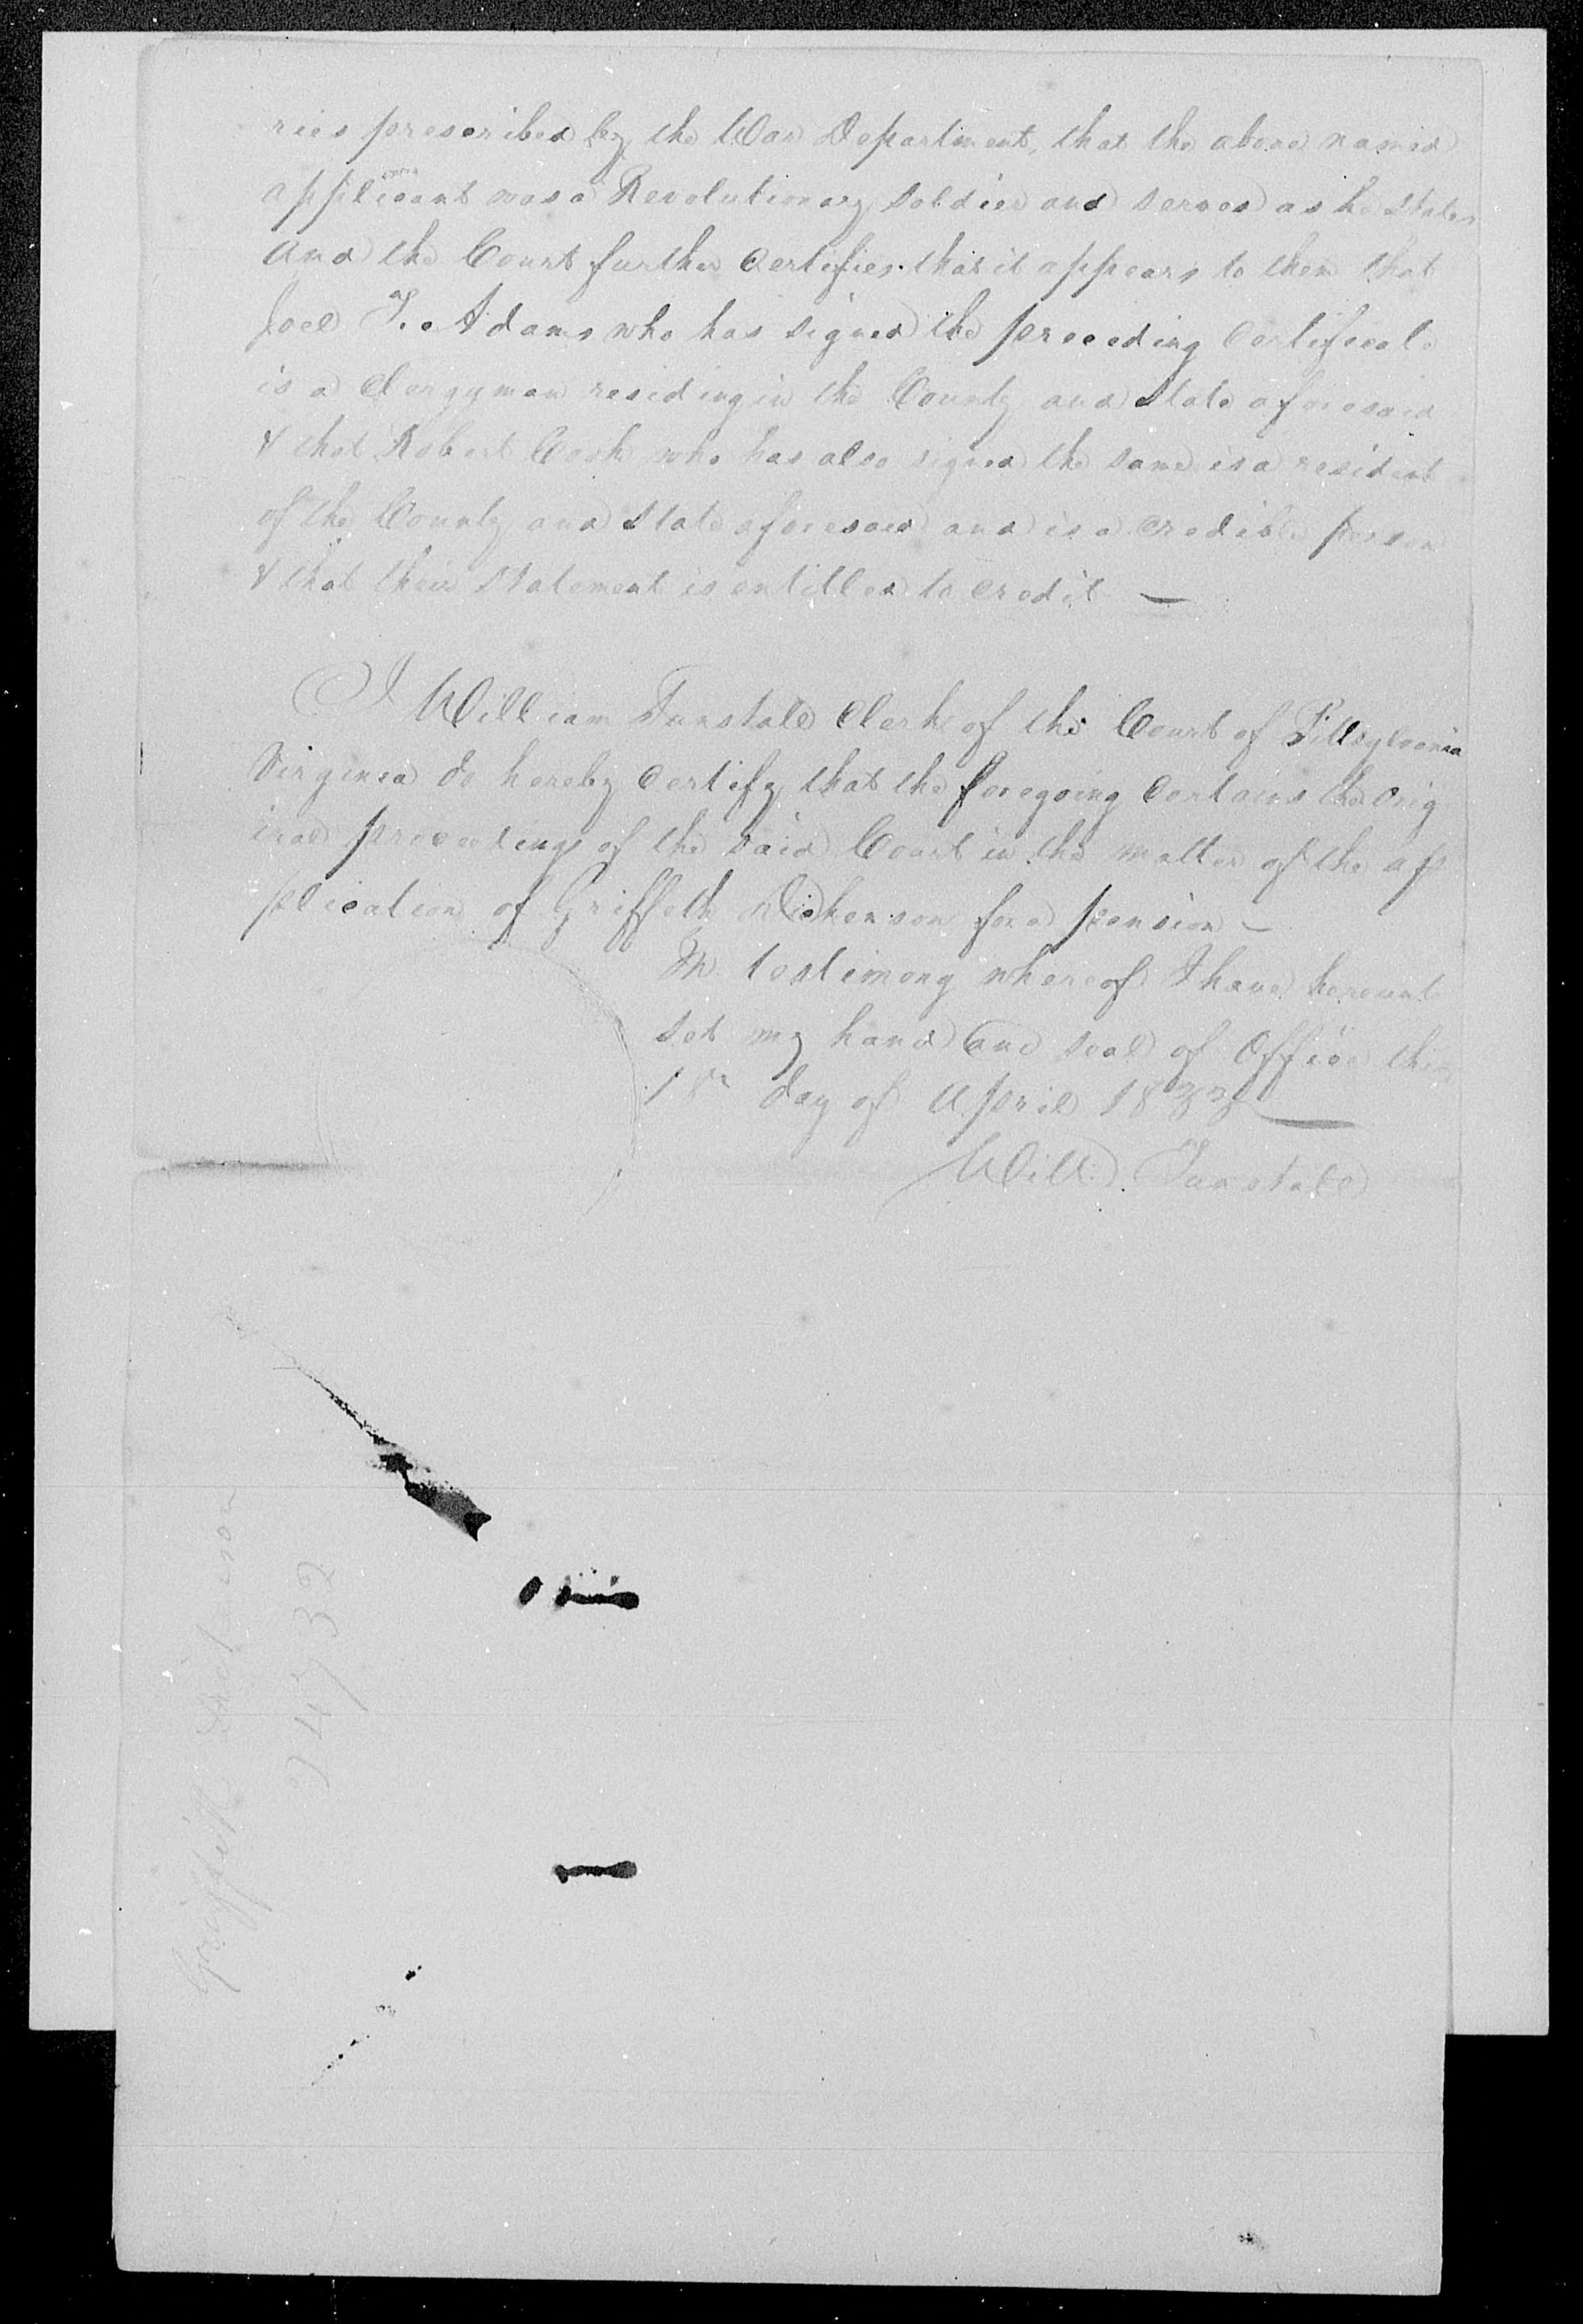rs prescribed by the War Department that the above named applicant was a Revolutionary soldier and served as he states and the Court further certifies that it appears to them that Joel J. Adams who has signed the preceding certificate is a clergyman residing in the County and State aforesaid and that Robert Cook who has also signed the same is a resident of the County and State aforesaid and is a credible person and that this statement is enclosed herein. -

I William Sansdale Clerk of the Court of Pittsylvania Virginia do hereby certify that the foregoing [illegible] being proceedings of the said Court in the matter of the application of Griffeth Dickenson for a pension - 
In testimony whereof I have herunto set my hand and seal of Office this 1st day of April 1833

Will. Sansdale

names: Joel T Adams, Griffeth Dickerson, Robert Cook, Will Vanstale, William Vanstale, Griffeth Dickerson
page: 6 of 26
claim: survivor's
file: S. 20896, Griffeth Dickenson, Ga. Va.